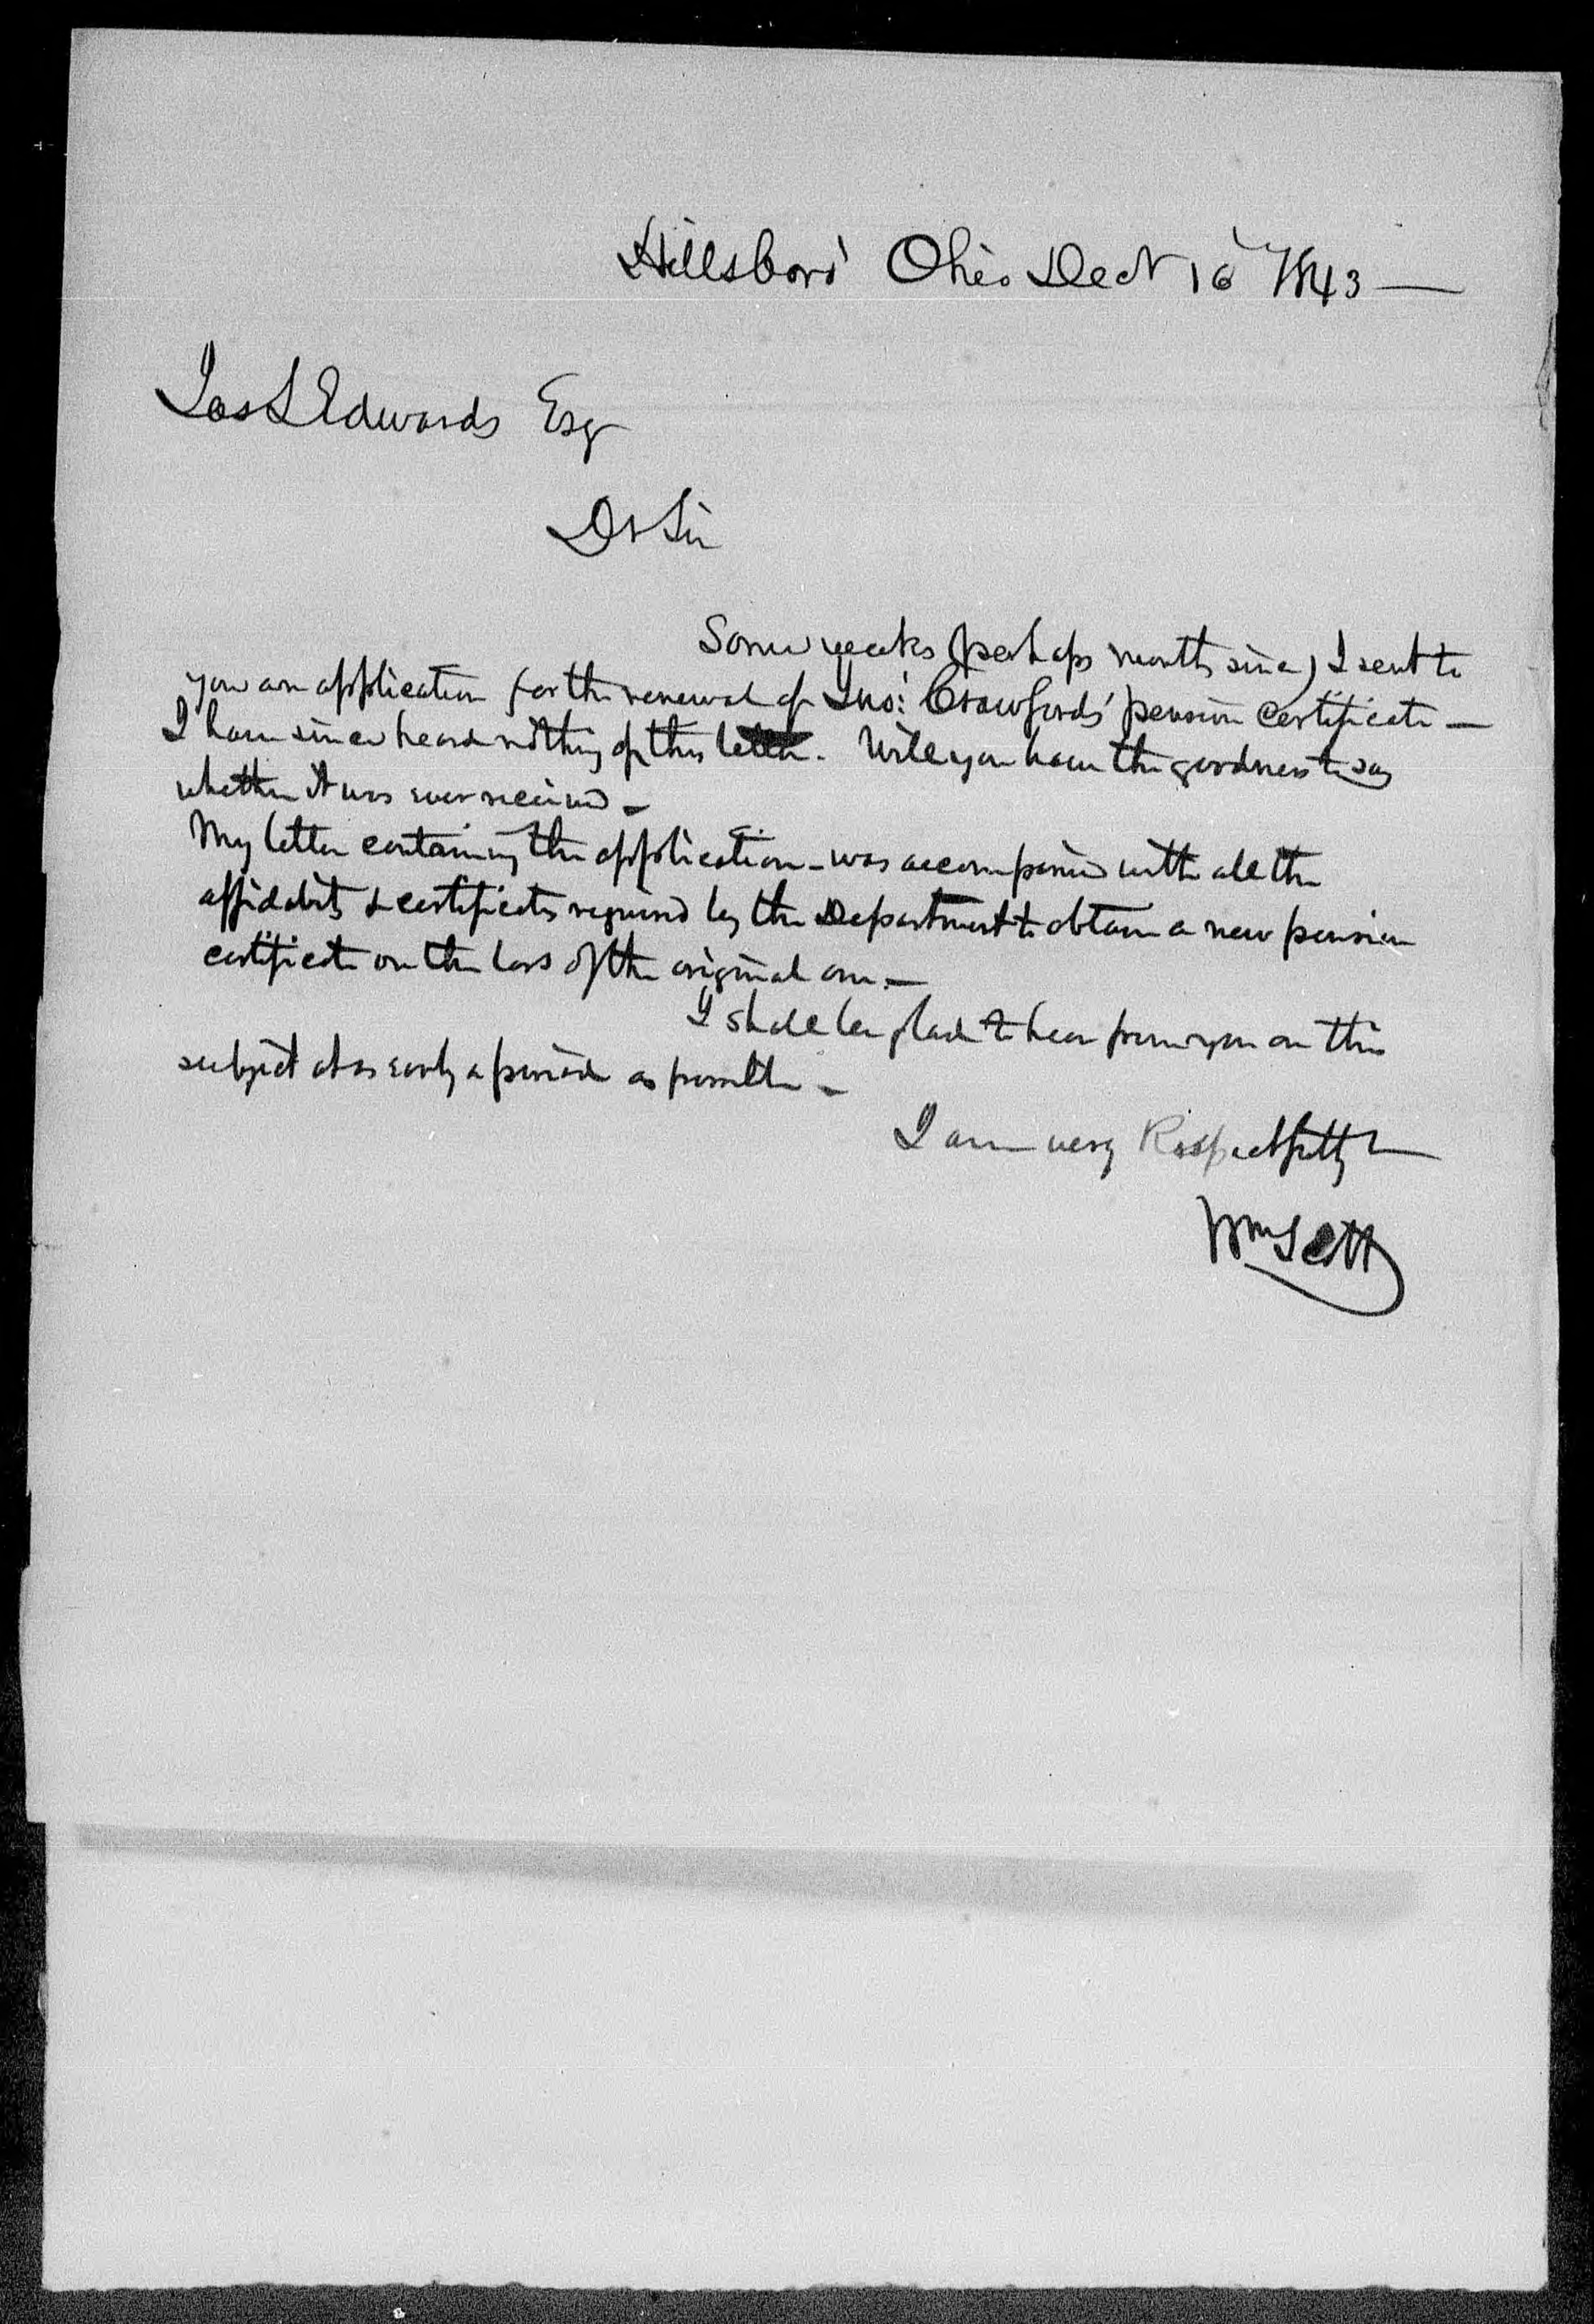Hillsboro Ohio Dec 16 1843
Jas L Edwards Esq
Dr Sir
Some weeks (perhaps months since) I sent to
you an application for the renewal of Jno: Crawfords pension certificate. I have since heard nothing of this letter. Will you have the goodness
to say whether it was ever received.
My letter containing the application was accompanied with all the affidavits & certificates required by the Department to obtain a new pension certificate on the loss of the original one.
I shall be glad to hear from you on subject at as early a period as possible.
I am very Respectfully
Wm LEM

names: Wm Scott, Jas L Edwards, Jno Crawford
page: 43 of 80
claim: widow's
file: W 2070, John Crawford, Penn.